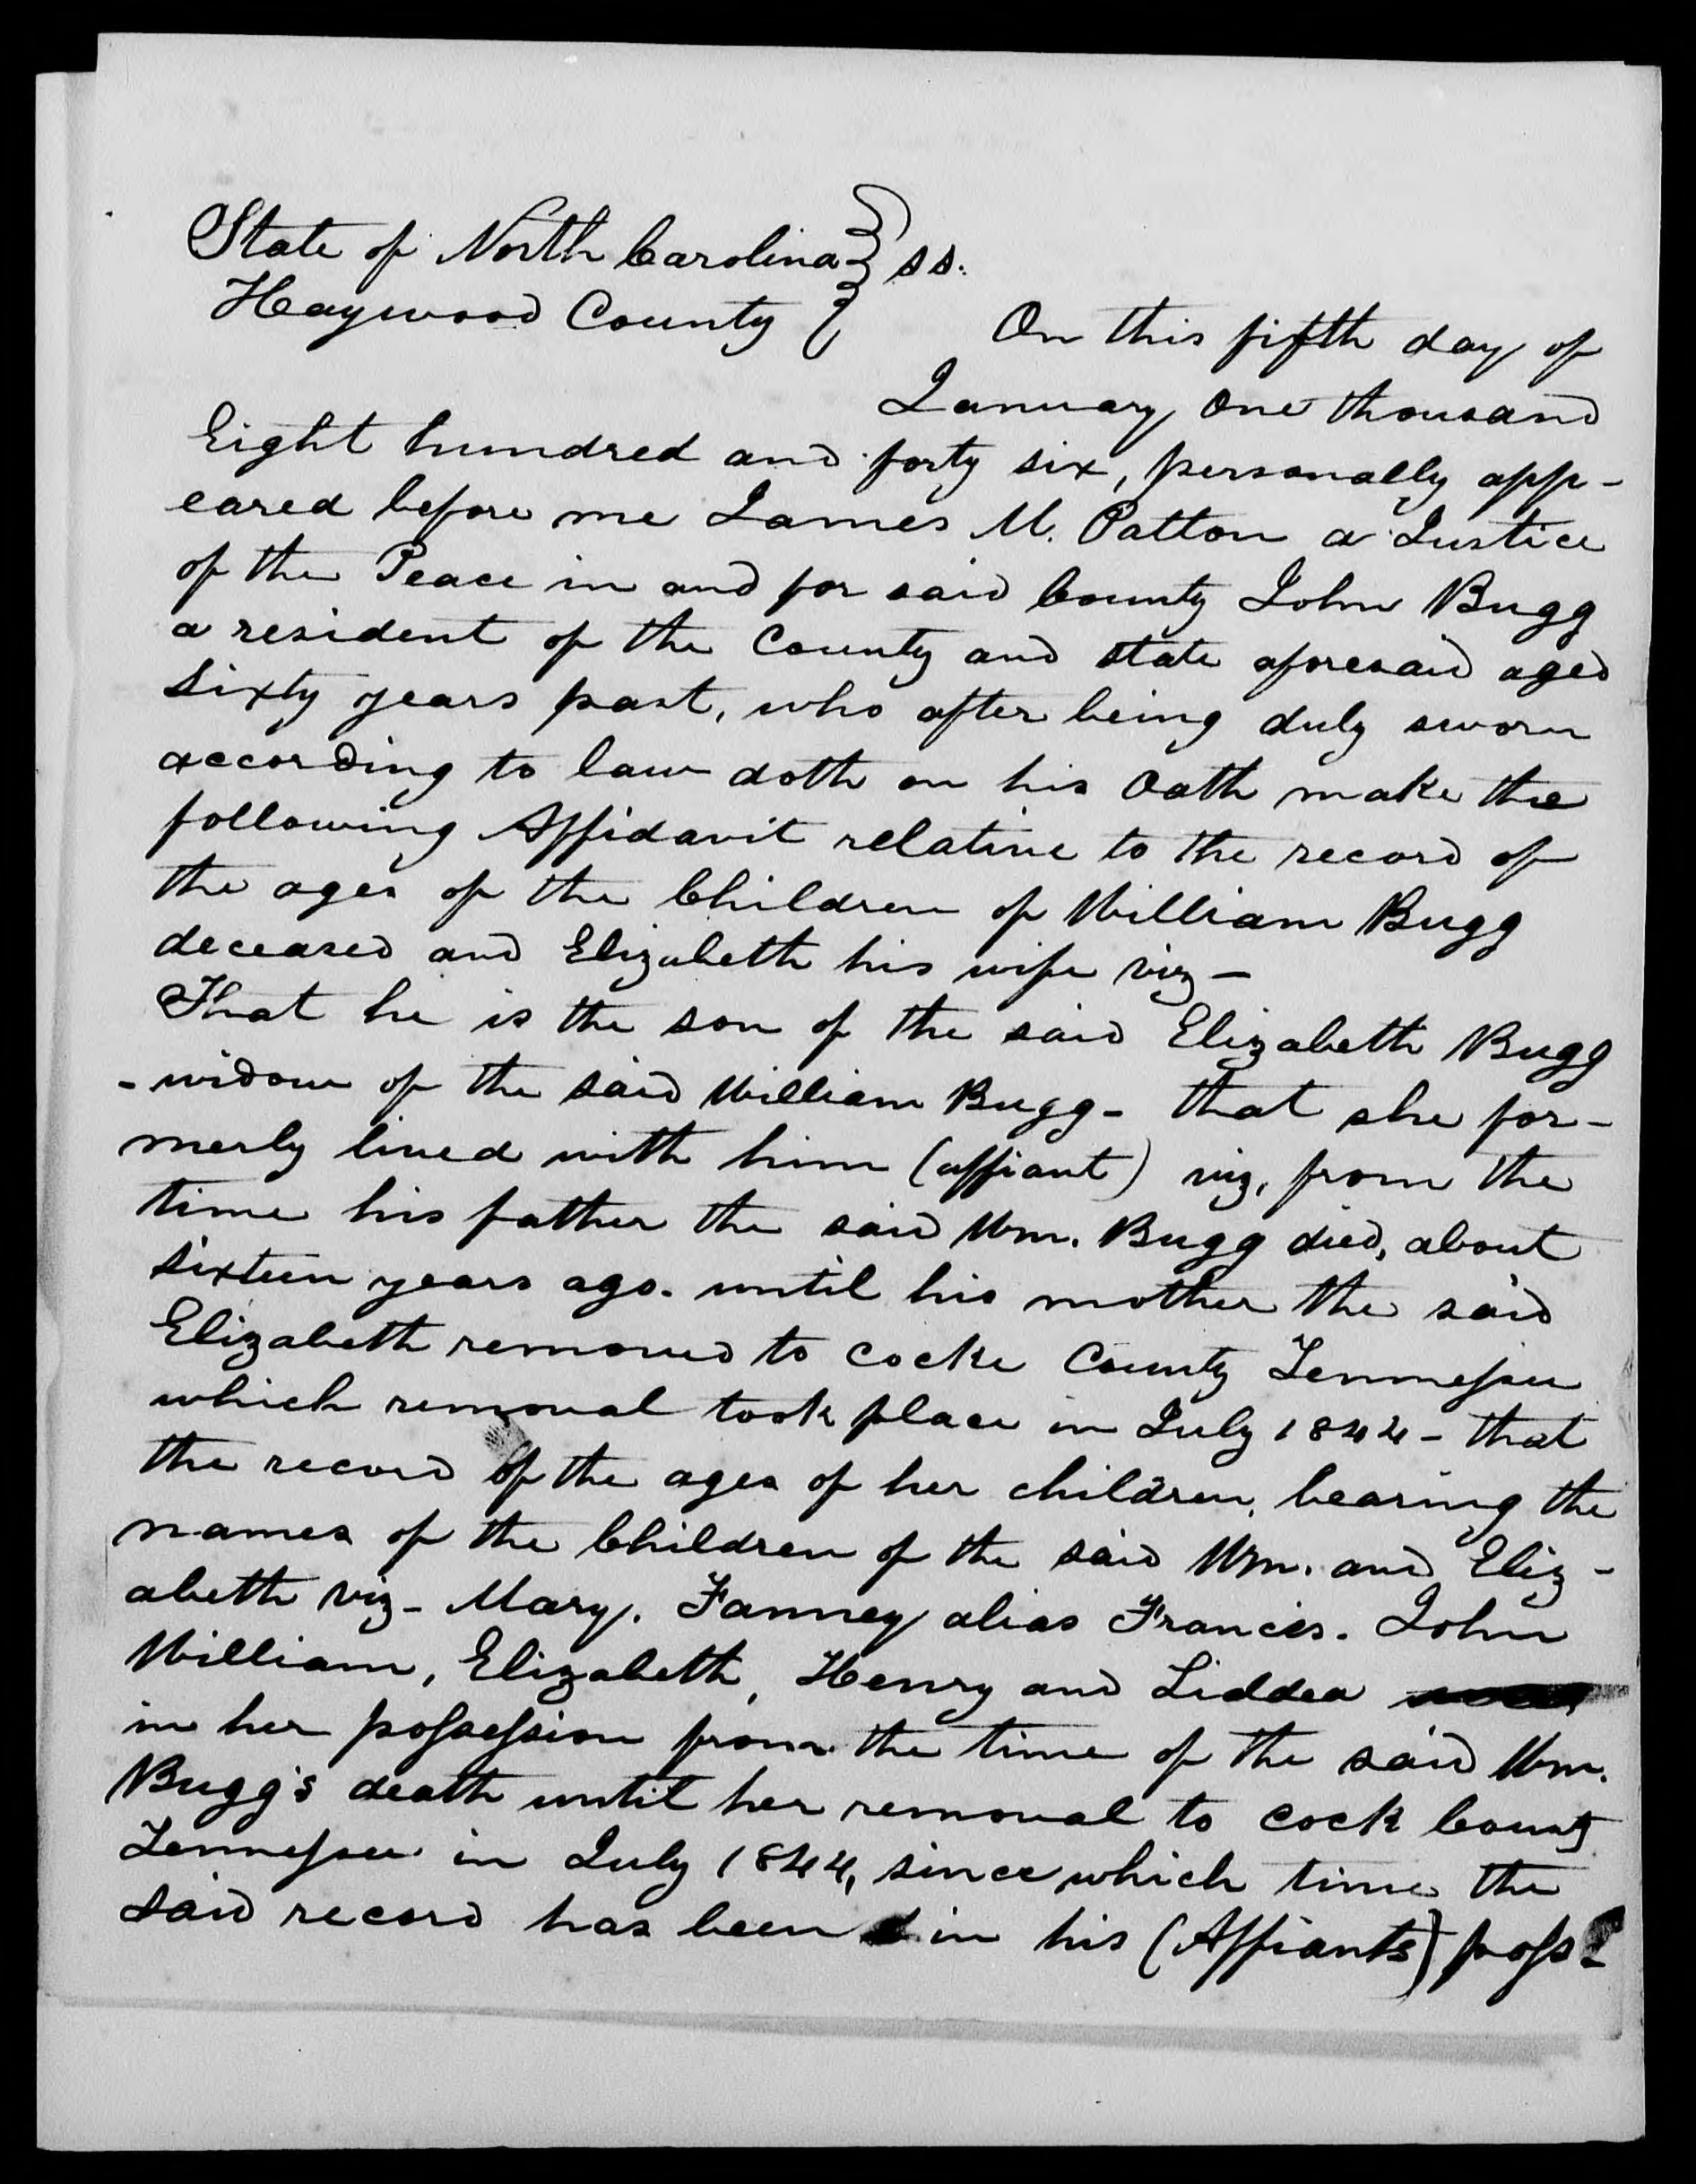State of North Carolina
Haywood County } ss

On this fifth day of 
January One thousand
Eight hundred and forty six, personally 
appeared before me James M. Patton a Justice
of the Peace in and for said County John Bugg
a resident of the County and State aforesaid aged sixty years past, who after being duly sworn according to law doth on his Oath make the following Affidavit relative to the record of 
the ages of the Children of William Bugg
deceased and Elizabeth his wife viz-

That he is the son of the said Elizabeth Bugg
- widow of the said William Bugg - that she
formerly lived with him (affiant) viz, from the
time his father the said Wm. Bugg died, about 
sixteen years ago. until his mother the said 
Elizabeth removed to Cocke County  Tennessee which removal took place in July 1844 - that the record of the ages of her children bearing the names of the Children of the said Wm. and Elizabeth viz - Mary. Fanney alias Francis. John William, Elizabeth, Henry and Liddea [here an illegible word was crossed out] in her possession from the time of the said Wm. Bugg's death until her removal to Cock County Tennessee in July 1844, since which time the said record has been in his (Affiants) poss-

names: Wm Bugg, Mary, William, Wm, Francis, Wm Bugg, John Bugg, Fanney, John, Liddea, Elizabeth, Elizabeth, Elizabeth Bugg, William Bugg, James M Patton, Elizabeth, Henry, William Bugg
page: 10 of 50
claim: widow's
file: W. 898, William Bugg, N.C.